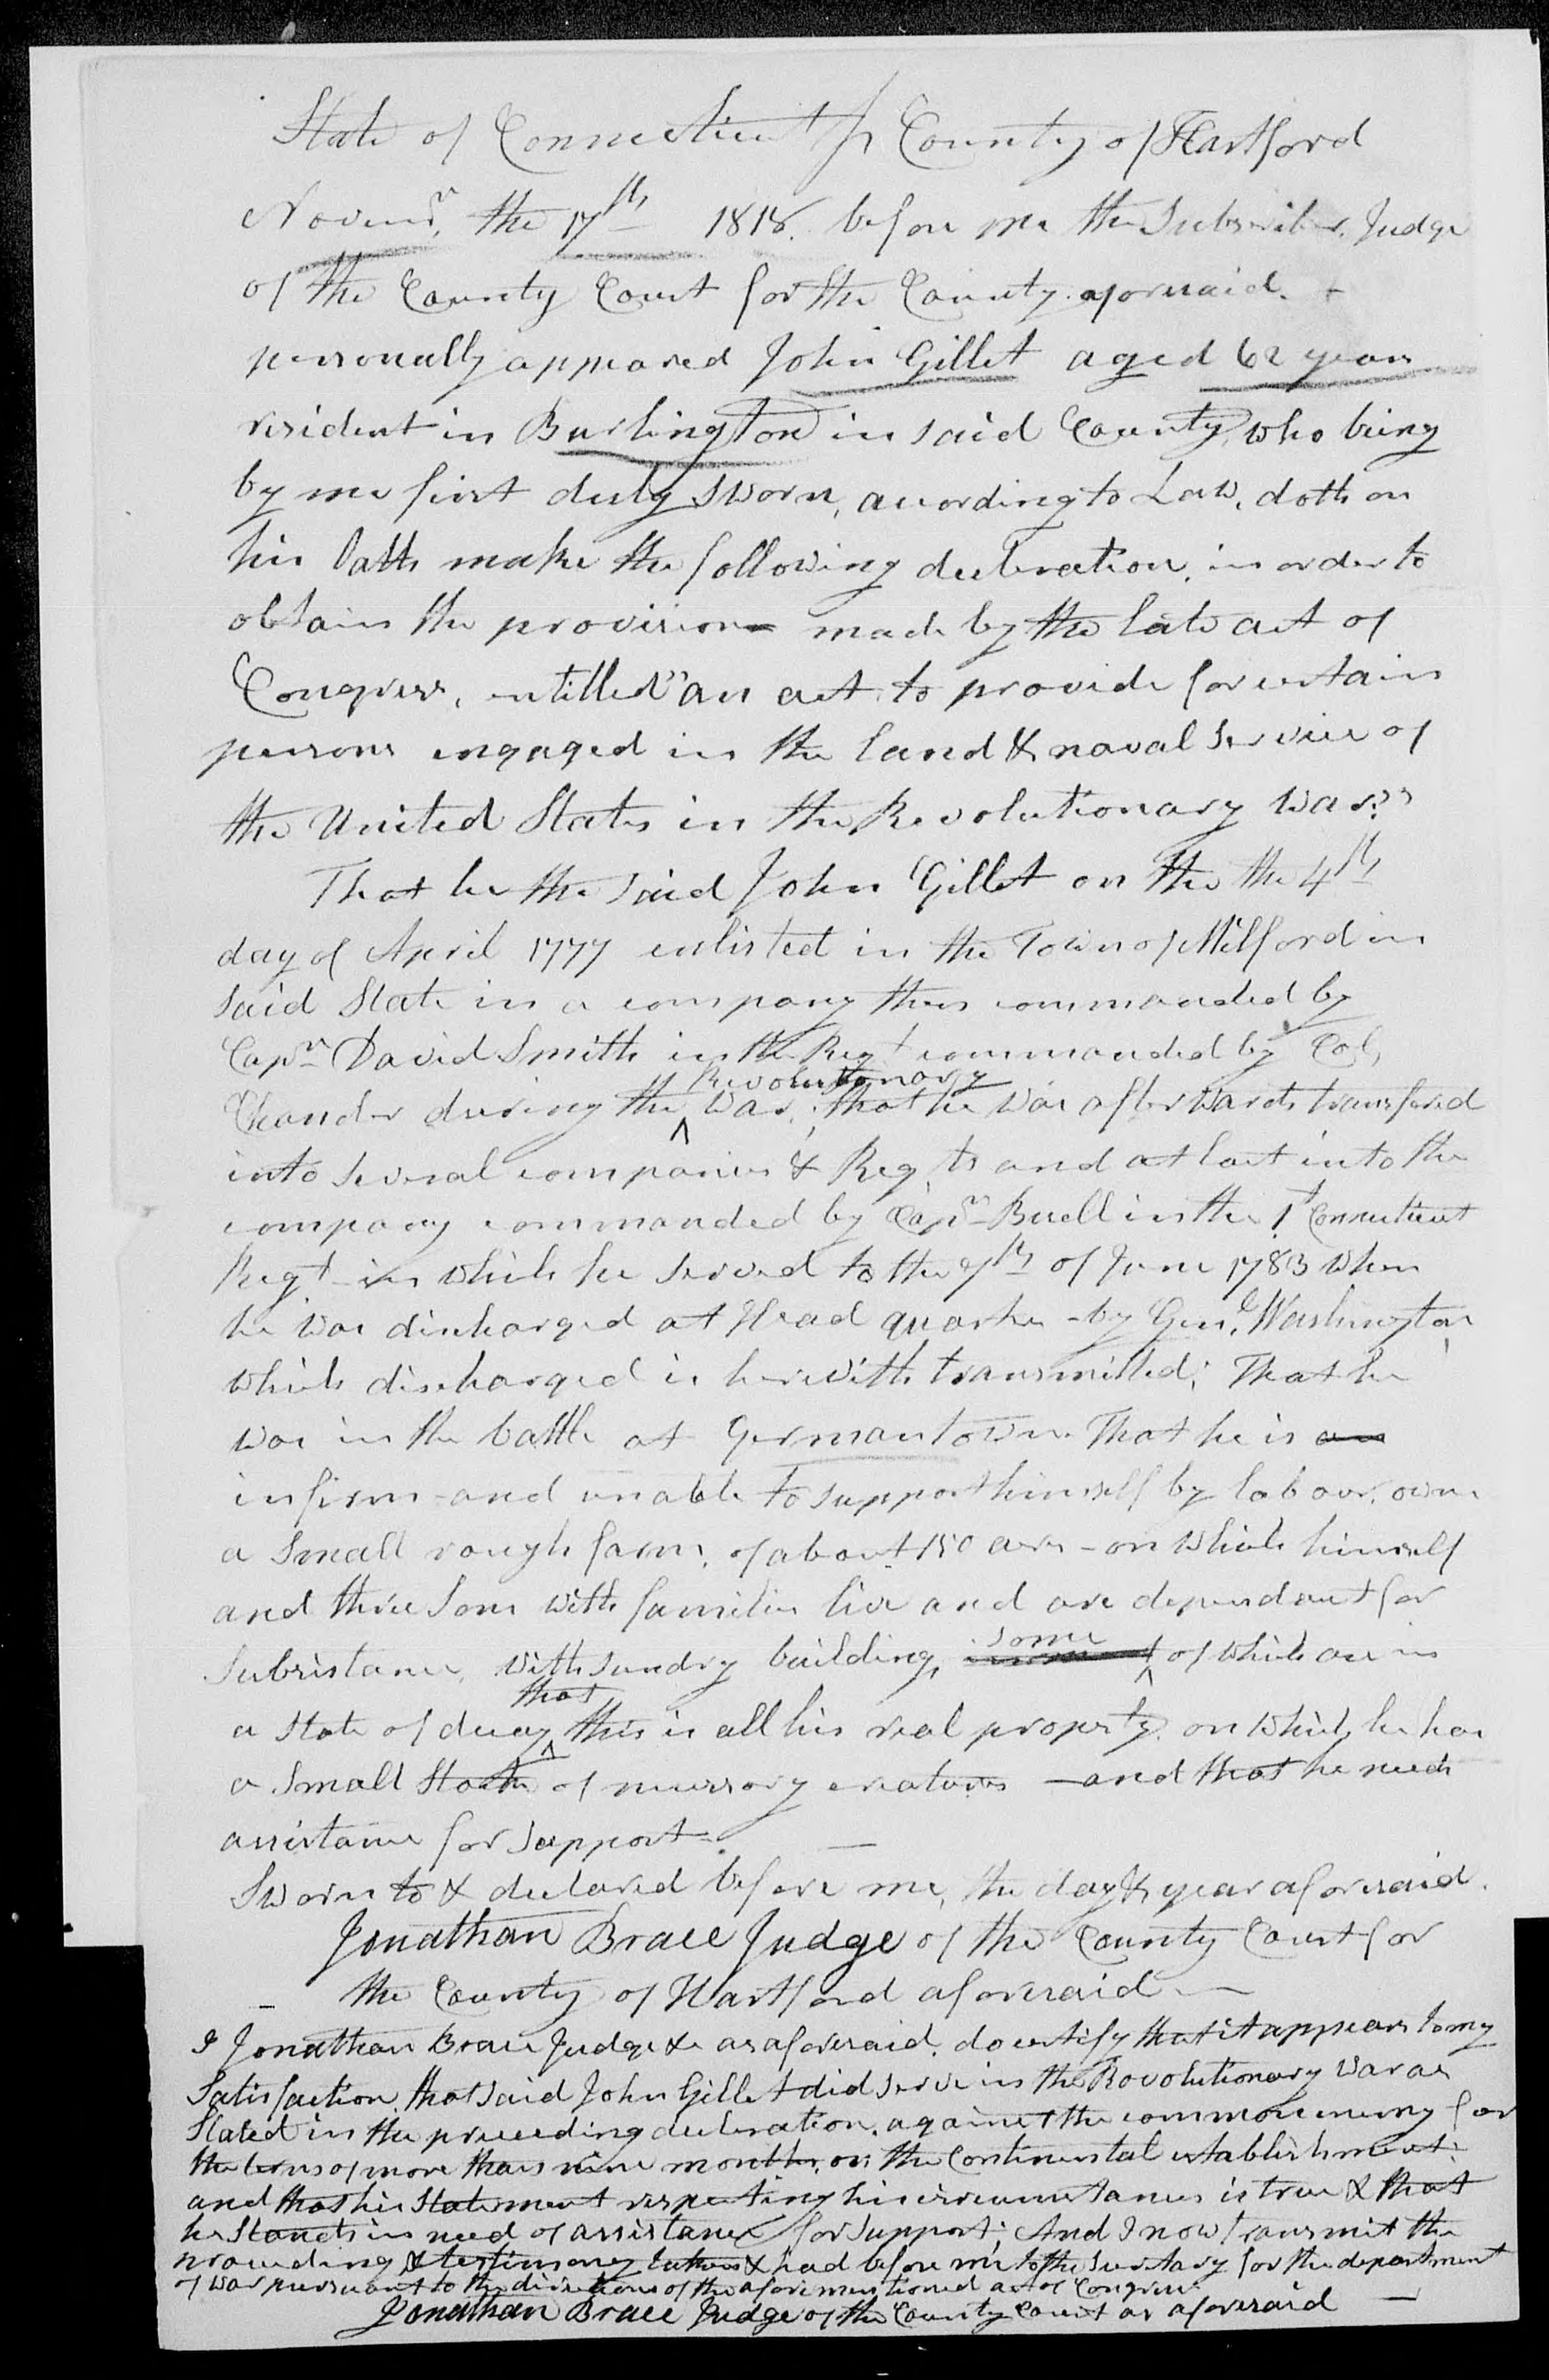State of Connecticut  County of Hartford
Novemr. the 17th 1818 before me the Subscribed Judge of the County Court for the County aforesaid, personally appeared John Gillet aged 62 years resident in Burlington in said County who being by me duly sworn according to Law, doth on his Oath make the following declaration in order to obtain the provisions made by the late act of Congress entitled " an act to provide for certain persons engaged in the land & naval service of the United States in the Revolutionary War."

That he the said John Gillet on the 4th day of April 1777 enlisted in the Town of Milford in Said State in a company thus commanded by Capn David Smith in the Regt commanded by Col Chandler during the Revolutionary [last word inserted] War; that he was afterwards transferred into several companies & Regts and at last into the company commanded by Capn Buell in the 2st Connecticut Regt in he served to the 7th of June 1783 when he was discharged at Headquarters by Genl. Washington by which discharge is herewith transmitted; That he was in the battle at Germantown  That he is infirm and unable to support himself by labour, owns a small rough farm of about 180 acres - on which himself and three sons with families live and are dependent for subsistence   with sundry buildings, some of which are in a state of decay   That is all his real property on which he has a small stash of necessary nature - and that he needs assistance for support. -

Sworn & declared before me the day & year aforesaid
   {Signed] Jonathan Brace Judge of the County Court for the County of Hartford aforesaid -

I Jonathan Brace Judge etc. as aforesaid do certify that it appears to my satisfaction that said John Gillet did serve in the Revolutionary War as stated in the preceding declaration against the common enemy for the term of nine months on the Continental establishment and that  his statement respecting his circumstances is true & that he stands in need of assistance for support; And I now transmit the  [illegible word]  & testimony [illegible word]  & had before me to the Secretary for the department of War pursuant to the directions of the aforementioned act of Congress

         [Signed]  Jonathan Brace Judge of the County Court as aforesaid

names: Jonathan Brace, Chandler, John Gillet, David Smith, Jonathan Brace, Buell, Washington, Jonathan Brace, John Gillet, John Gillet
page: 3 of 40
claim: survivor's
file: S. 36,537 And R. 4034, John Gillet, Conn.